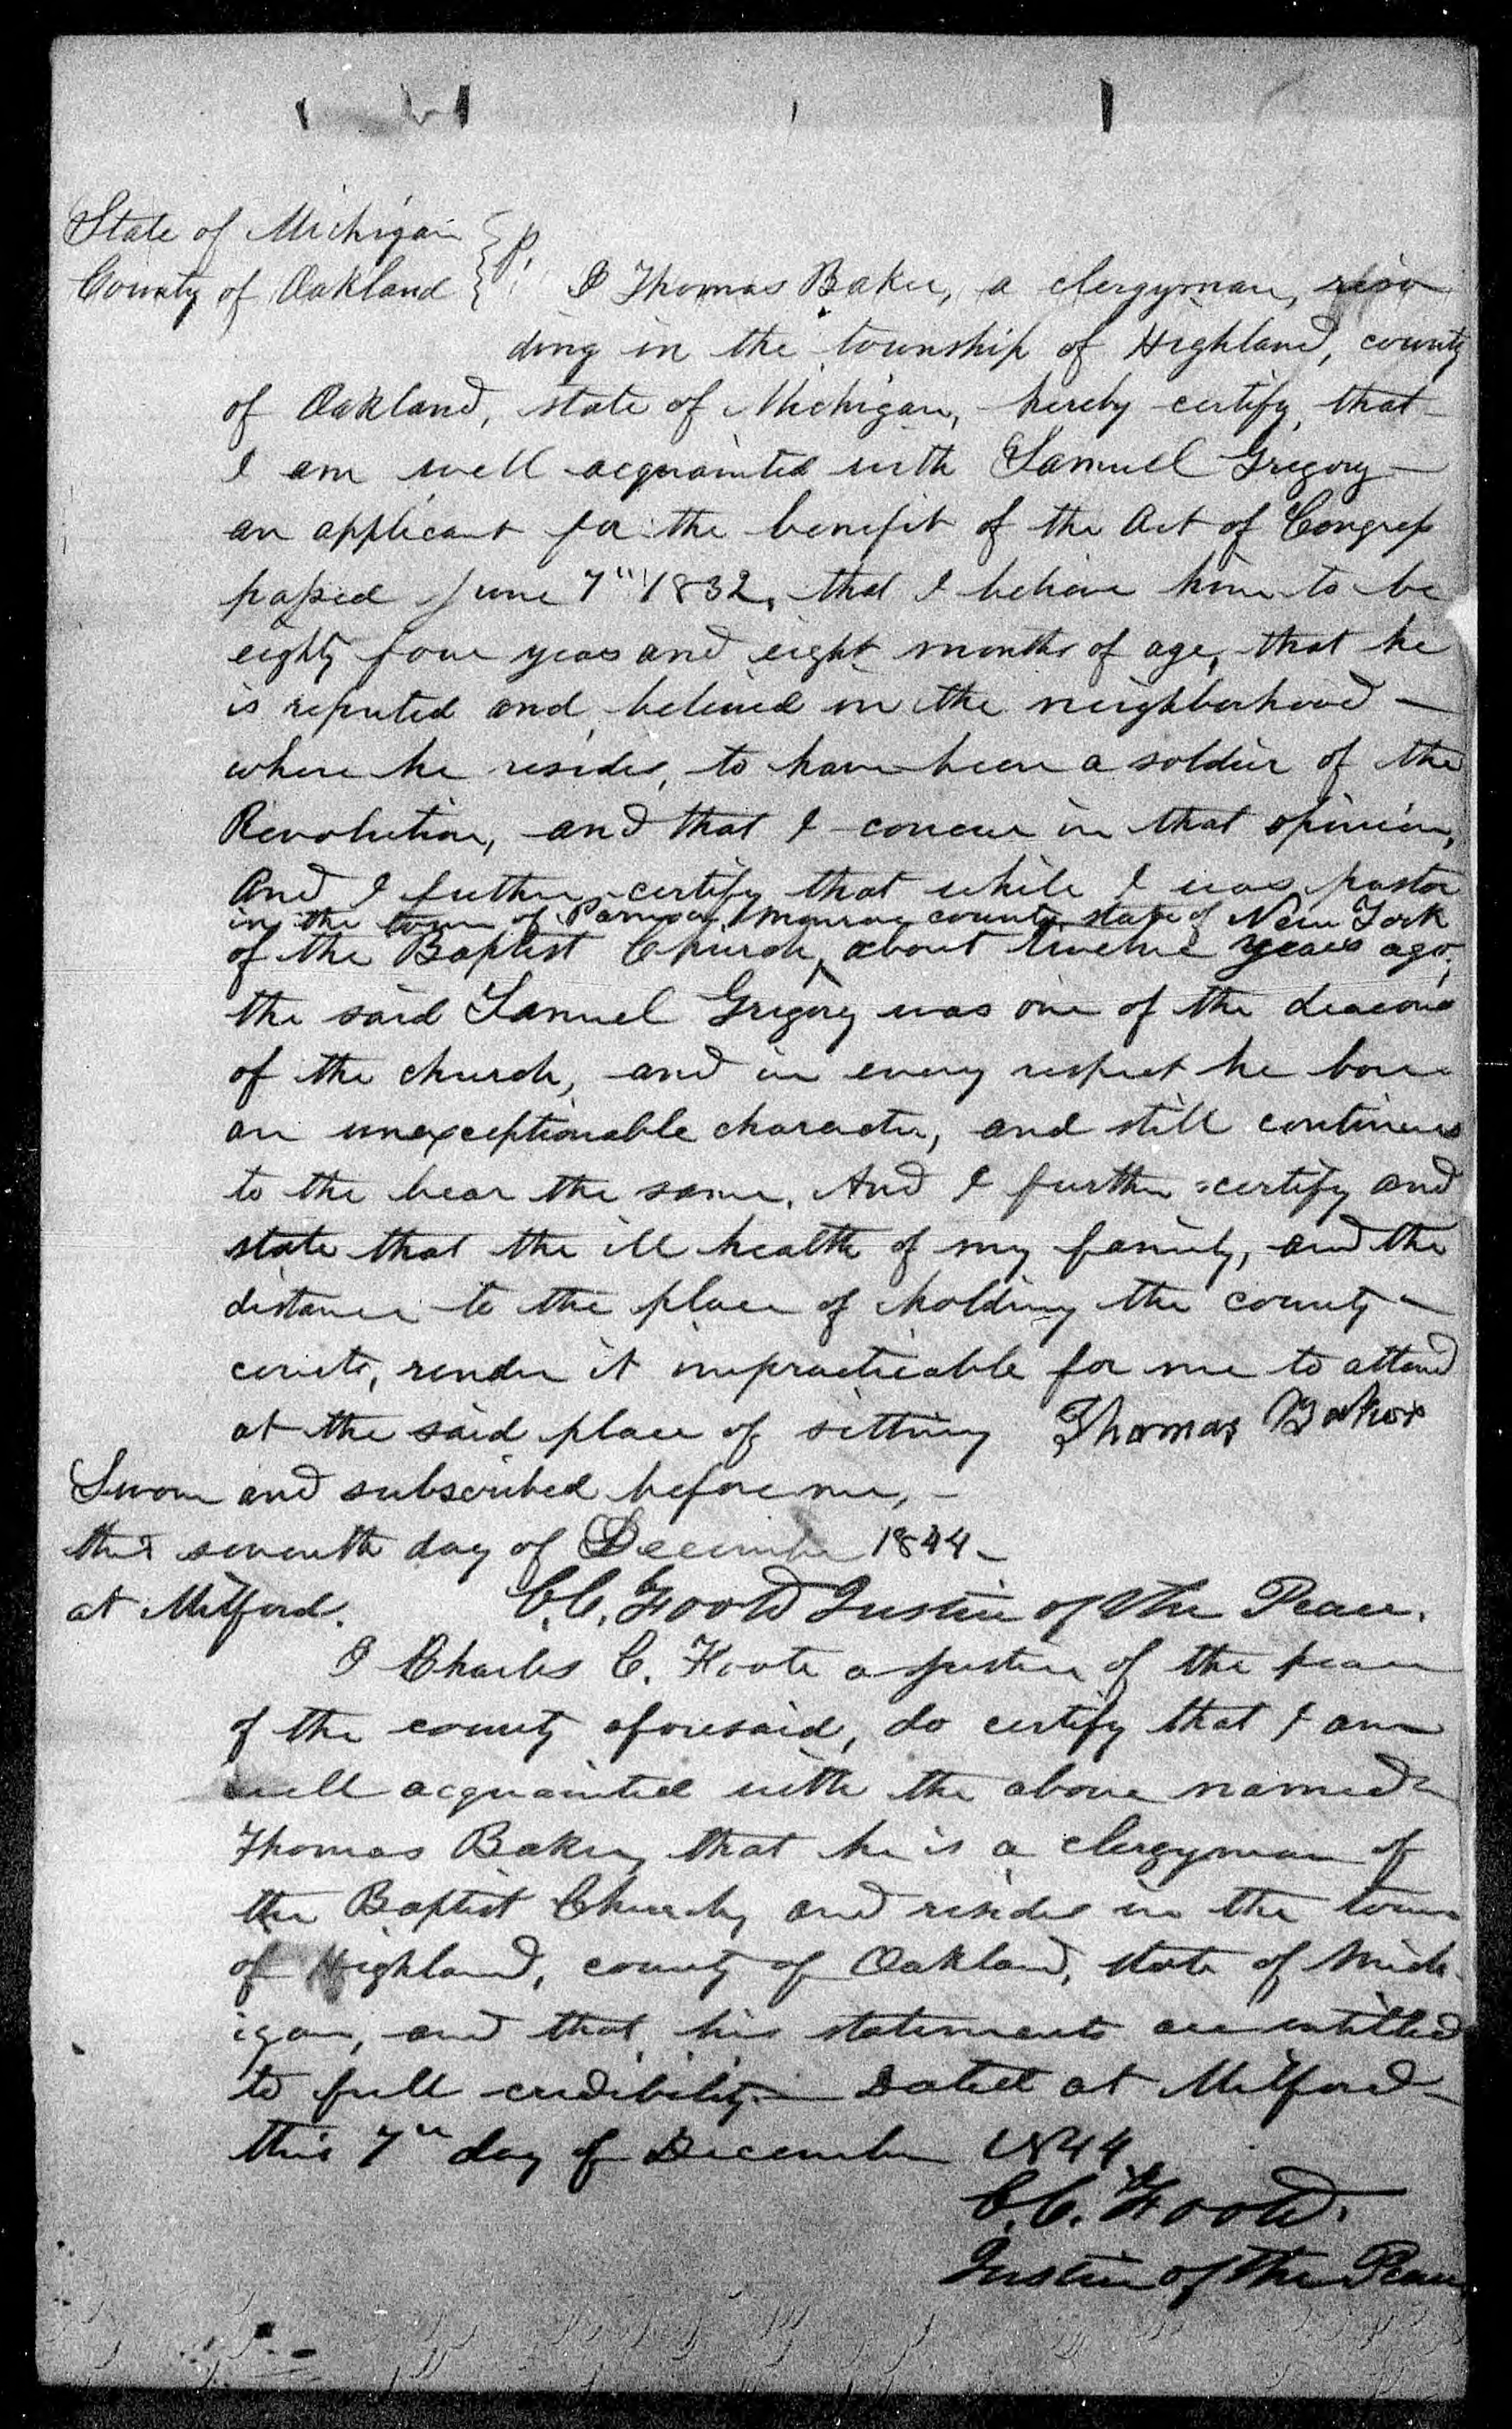State of Michigan
County of Oakland ss I Thomas Baker, a clergyman residing in the township of Highland, county of Oakland, state of Michigan, hereby certify that I am well acquainted with Samuel Gregory an applicant for the benefit of the Act of Congress passed on June 7th 1832, that I believe him to be eight four years and eight months of age that he is reputed and believed in the neighorhood- where he resides to have been a soldier in the Revolution, and that I concur in that opinion, and I further certify that while I was pastor  of he Baptist Church in the town of Panion Monroe County state of New York about nineteen years ago. the said Samuel Gregory was one of the deacons of the church, and in every respect he bore an unexceptionable character, and still continues to bear the same. And I further the state that the ill health of my family, and the distance to the place of holding the county court, render it impracticable for me to attend at the said place of sitting  Thomas Baker

Sworn and subscribed before me this seventh day of December 1844 at Milford

CC Foote Justice of the Peace, 
I Charles C. Foote a Justice of the Peace of the county aforesaid, do certify that I am well acquainted with the above named Thomas Baker, that he is a clergyman of the Baptist Church, and resided in the town of Highland, county of Oakland state of Michigan, and that his statement are entitled to full credibility  Dated at Milford this 7th day of December 1844

CC Foote
Justice of the Peace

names: Samuel Gregory, C C Foote, Samuel Gregory, Thomas Baker, C C Foote, Thomas Baker, Thomas Baker, Charles C Foote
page: 9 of 66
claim: rejected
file: R. 4298, Samuel Gregory, New York